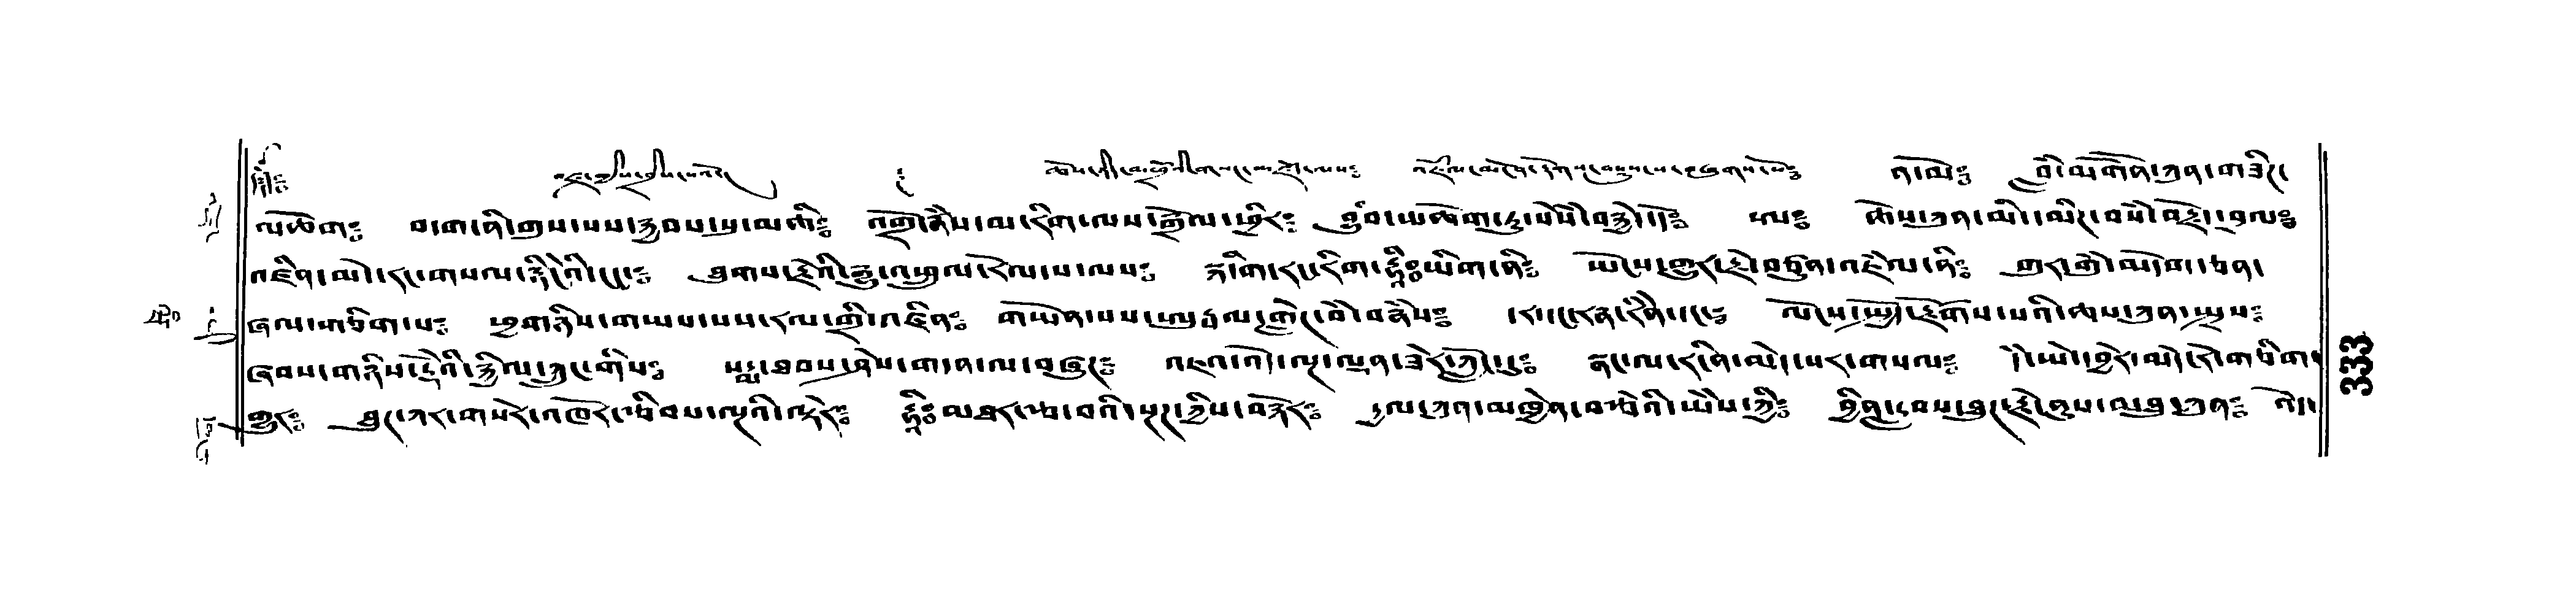བཛྲ་གྱིས་བྲིས་པའོ།། ༈ ཆོས་ཉིད་མཁའ་འགྲོའི་གསང་མཛོད་ལས༔ འཇམ་དཔལ་མངོན་རྟོགས་བསྡུས་པ་བཞུགས་སོ༔ ན་མོ༔ བླ་མ་མགོན་པོ་ཀུན་གཟིགས་
མཆོག༔བདག་ནི་གུས་པས་སྐྱབས་སུ་མཆི༔ འགྲོ་རྣམས་མ་རིག་ལས་སྒྲོལ་ཕྱིར༔ བྱང་ཆུབ་མཆོག་ཏུ་སེམས་བསྐྱེད་དོ༔ ཨཱཿ ཆོས་ཀུན་མི་དམིགས་བསམ་བརྗོད་བྲལ༔ 
འཛིན་མེད་རང་གསལ་སྙིང་རྗེའི་ངང༔ ཐུགས་རྗེའི་སྒྱུ་འཕྲུལ་རོལ་པ་ལས༔ སྐད་ཅིག་རང་རིག་དྷཱིཿཡིག་ནི༔ ཡོངས་གྱུར་རྗེ་བཙུན་འཇམ་དཔལ་ནི༔ གུར་གུམ་མདོག་ཅན་
ཞལ་གཅིག་པ༔ ཕྱག་གཉིས་གཡས་པས་རལ་གྲི་འཛིན༔ གཡོན་པས་ཨུཏྤལ་གླེགས་བམ་བསྣམས༔ དར་དང་རཏྣ་རིན་ཆེན་དང༔ ལོངས་སྤྱོད་རྫོགས་པའི་ཆས་ཀུན་སྤྲས༔ 
ཞབས་གཉིས་རྡོ་རྗེའི་སྐྱིལ་ཀྲུང་གིས༔ པདྨ་ཐབས་ཤེས་གདན་ལ་བཞུགས༔ འཇའ་འོད་ལྔ་ལྡན་ཟེར་ཀློང་དུ༔ སྣང་ལ་རང་བཞིན་མེད་པར་གསལ༔ དམ་ཡེ་དབྱེར་མེད་རོ་གཅིག་
གྱུར༔ ཐུགས་ཀར་གསེར་འཁོར་རྩིབས་ལྔའི་ལྟེར༔ དྷཱིཿམཐར་རྩ་བའི་སྔགས་ཀྱིས་བསྐོར༔ རྒྱལ་ཀུན་མཁྱེན་བརྩེའི་ཡེ་ཤེས་ཀྱི༔ བྱིན་རླབས་ཐུགས་རྗེ་ནུས་མཐུ་ཀུནཿ འོད་